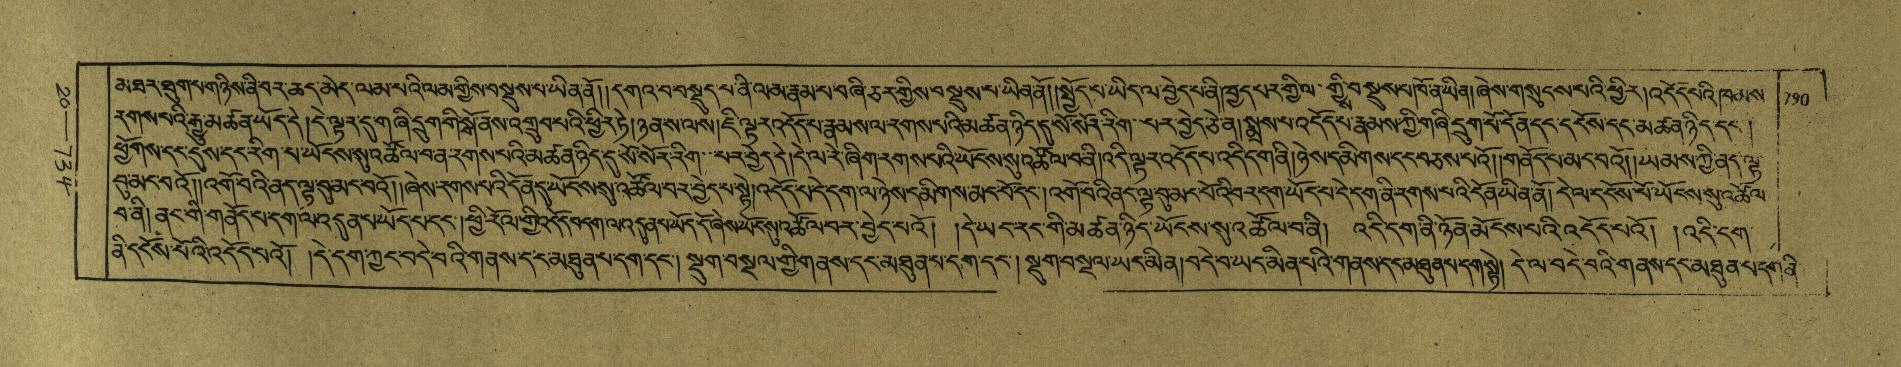མཐར་ཐུག་པ་གཉིས་ནི་བར་ཆད་མེད་ལམ་པའི་ལམ་གྱིས་བསྡུས་པ་ཡིན་ནོ། །དགའ་བ་བསྡུད་པ་ནི་ལམ་རྣམ་པ་བཞི་ཅར་གྱིས་བསྡུས་པ་ཡིན་ནོ། །སྤྱོད་པ་ཡིད་ལ་བྱེད་པ་ནི་ཁྱད་པར་གྱི་ལ་གྱིས་བསྡུས་པ་ཁོ་ན་ཡིན། ཞེས་གསུངས་པའི་ཕྱིར། འདོད་པའི་ཁམས་
རགས་པའི་རྒྱུ་མཚན་ཡོད་དེ། དེ་ལྟར་དུ་གཞི་དྲུག་གི་སྒོ་ནས་འགྲུབ་པའི་ཕྱིར་ཏེ། ཉན་ས་ལས། ཇི་ལྟར་འདོད་པ་རྣམས་ལ་རགས་པའི་མཚན་ཉིད་དུ་སོ་སོར་རིག་པར་བྱེད་ཅེ་ན། སྨྲས་པ་འདོད་པ་རྣམས་ཀྱི་གཞི་དྲུག་པོ་དོན་དང་དངོས་དང་མཚན་ཉིད་དང་།
ཕྱོགས་དང་དུས་དང་རིག་པ་ཡོངས་སུ་འཚོལ་བ་ན་རགས་པའི་མཚན་ཉིད་དུ་སོ་སོར་རིག་པར་བྱེད་དེ། དེ་ལ་རེ་ཞིག་རགས་པའི་ཡོངས་སུ་འཚོལ་བ་ནི། འདི་ལྟར་འདོད་པ་འདི་དག་ནི། ཉེས་དམིགས་དང་བཅས་པའོ། །གནོད་པ་མང་བའོ། །ཡམས་ཀྱི་ནད་ལྟ་
བུ་མང་བའོ། །འགོ་བའི་ནད་ལྟ་བུ་མང་བའོ། །ཞེས་རགས་པའི་དོན་དུ་ཡོངས་སུ་འཚོལ་བར་བྱེད་པ་སྟེ། འདོད་པ་དེ་དག་ལ་ཉེས་དམིགས་མང་པོ་དང་། འགོ་བའི་ནང་ལྟ་བུ་མང་པོའི་བར་དག་ཡོད་པ་དེ་དག་ནི་རགས་པའི་དོན་ཡིན་ནོ། དེ་ལ་དངོས་པོ་ཡོངས་སུ་འཚོལ་
བ་ནི། ནང་གི་གནོད་པ་དག་ལ་འདུན་པ་ཡོད་པ་དང་། ཕྱི་རོལ་གྱི་འདོད་བདག་ལ་འདུན་པ་ཡོད་དོ་ཞེས་ཡོང་སུ་འཚོལ་བར་བྱེད་པའོ། །དེ་ཡང་རང་གི་མཚན་ཉིད་ཡོངས་སུ་འཚོལ་བ་ནི། འདི་དག་ནི་ཉོན་མོངས་པའི་འདོད་པའོ། །འདི་དག་
ནི་དངོས་པོའི་འདོད་པའོ། །དེ་དག་ཀྱང་བདེ་བའི་གནས་དང་མཐུན་པ་དག་དང་། སྡུག་བསྔལ་གྱི་གནས་དང་མཐུན་པ་དག་དང་། སྡུག་བསྔལ་ཡང་མིན། བདེ་བ་ཡང་མིན་པའི་གནས་དང་མཐུན་པ་དག་སྟེ། དེ་ལ་བདེ་བའི་གནས་དང་མཐུན་པ་དག་ནི་